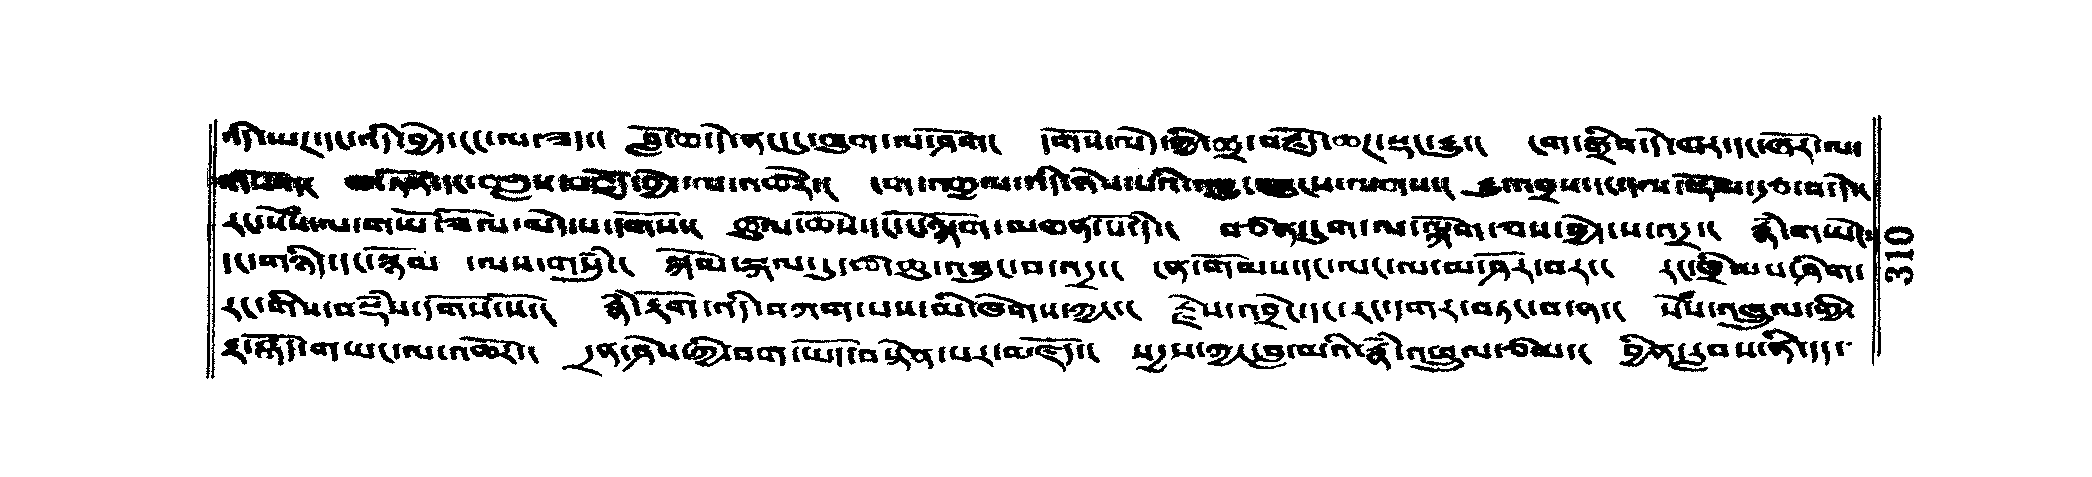།འདི་ཡག་དང་འདི་བྱེད་ངང་ལ་ཟད། །བློ་ཁ་དེ་ནང་དུ་ཁུག་ལ་ཤོག །དགོས་མེད་ཀྱི་སྨྲ་བརྗོད་ཆགས་སྡང་རྒྱུ། །ངག་སྒྲིབ་དེ་ཞར་དང་ཞོར་ལ་
གསོག །ཁ་ཏོན་དང་བཟླས་བརྗོད་བྱེད་ལ་འཆོར། །ངག་འཁྱལ་འདི་ཉེས་པའི་འབྱུང་ཁུངས་ལགས། །རྒྱུ་འབྲས་དང་དམ་སྡོམ་རྩ་བ་དེ། །
རང་སེམས་ལ་གཡོ་ཟོལ་མེད་པ་དགོས། །ཚུལ་ཆོས་དང་ངོ་ལྐོག་མཁན་པོ་དེ། །བཙན་དུག་ལ་ལྐོག་ཟས་བྱེད་པ་འདྲ། །རྣམ་གཡེང་
དང་གཉིད་དང་སྙོམ་ལས་གསུམ། །སྐོམ་སྐལ་དུ་ཚྭ་ཆུ་འཐུང་བ་འདྲ། །ངན་གོམས་དང་ལང་ལ་མ་ཤོར་བར། །རང་ཁྲིམས་ཤིག་
རང་གིས་བསྡོམས་དགོས་སོ། །རྣམ་རྟོག་འདི་བཀག་པས་མི་ཁེགས་ཀྱང་། །རྗེས་འབྲེང་དང་རང་དགར་བཏང་བ་ན། །སེམས་འཁྲུལ་གྱི་
རྟ་རྒོད་གཡང་ལ་འཆོར། །དྲན་ཤེས་ཀྱི་བག་ཡོད་བསྟེན་པར་མཛོད། །སངས་རྒྱས་ཀྱང་བླ་མའི་རྣམ་འཕྲུལ་ཙམ། །བྱིན་རླབས་ནི་དད་